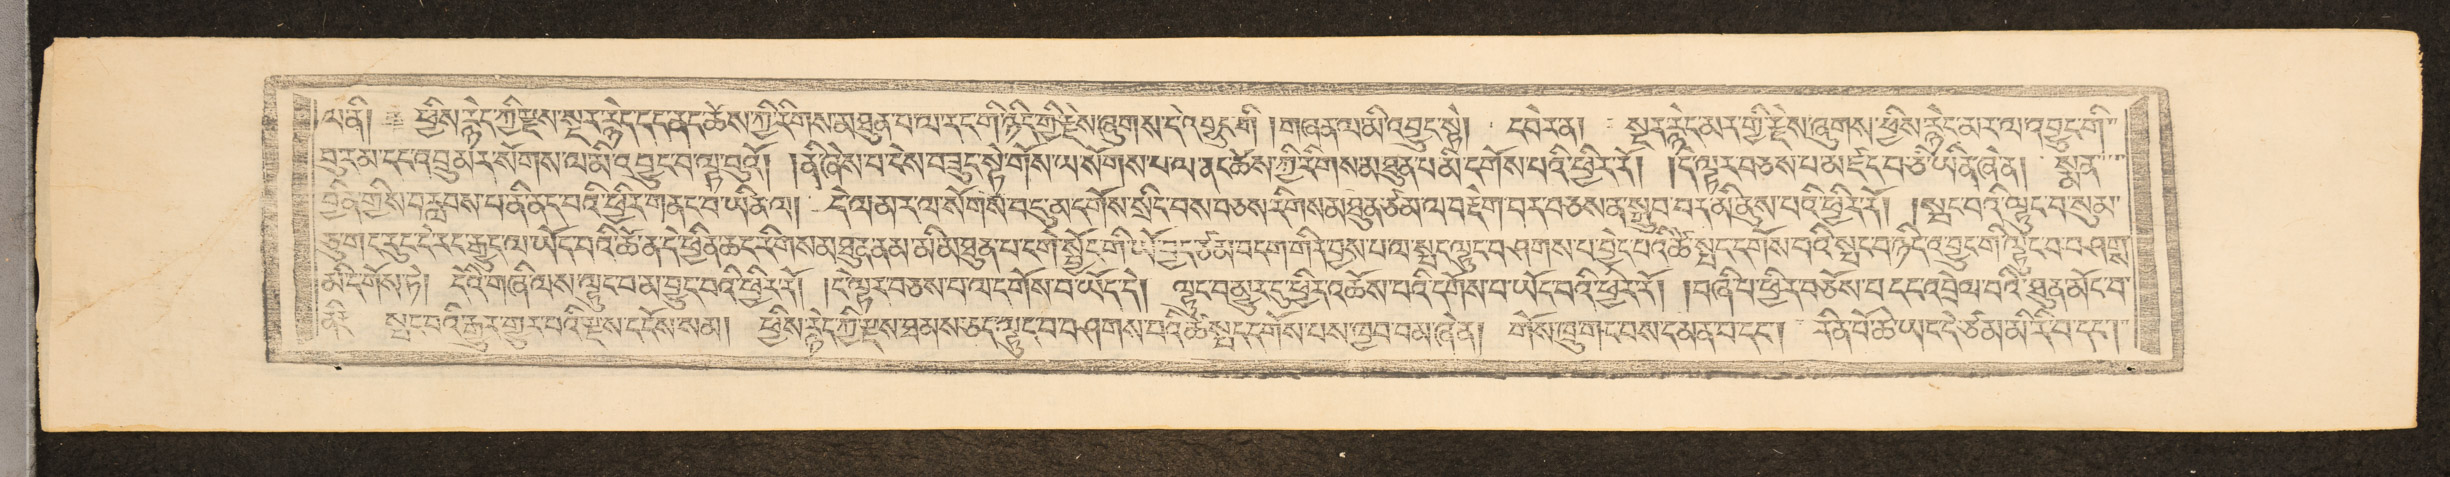ལ་ནི། ཕྱིས་རྙེད་ཀྱི་རྫས་སྔར་རྙེད་དང་ནང་ཚེས་ཀྱི་རིགས་མཐུན་པ་ལ་རང་གི་ཉིད་ཀྱི་རྗེས་ཞུགས་དེ་འབྱུང་གི །གཞན་ལ་མི་འབྱུང་སྟེ། དཔེར་ན། སྔར་རྙེད་མར་གྱི་རྗེས་ཞུགས་ཕྱིས་རྙེད་མར་ལ་འབྱུང་གི་
བུ་རམ་དང་འབྲུ་མར་སོགས་ལ་མི་འབྱུང་བ་ལྟ་བུའོ། །ནི་ཞེས་པ་དེས་བཟུང་སྟེ་གོས་ལ་སོགས་པ་ལ་ནད་ཚེས་ཀྱི་རིགས་མཐུན་པ་མི་དགོས་པའི་ཕྱིར་རོ། །དེ་ལྟར་བཅས་པ་མཛད་པ་ཅི་ཡིན་ཞེ་ན། སྨན་
བྱིན་གྱིས་བརླབས་པ་ནི་ནད་པའི་ཕྱིར་གནང་བ་ཡིན་ལ། དེ་ལ་མར་ལ་སོགས་པ་དུ་མ་དགོས་སྲིད་པས་བཅས་རིགས་མཐུན་ཙམ་ལ་བརྡེག་པར་བཅས་ན་སྒྲུབ་པར་མི་ནུས་པའི་ཕྱིར་རོ། །སྤང་བའི་ལྟུང་བ་སུམ་
ཅུ་གང་རུང་དེ་རང་རྒྱུད་ལ་ཡོད་པའི་ཚེ་ན་དེ་ཕྱིན་ཆད་རིགས་མཐུན་ནམ་མི་མཐུན་པ་དགེ་སྦྱོང་གི་ཡོ་བྱད་ཙམ་བདག་གིར་བྱས་པ་ལ་སྤང་ལྟུང་བཤགས་པ་བྱེད་པའི་ཚེ་སྤང་དགོས་པའི་སྤང་བ་ཉིད་འབྱུང་གི་ལྟུང་བ་བཤགས་
མི་དགོས་ཏེ། དེའི་གཞི་ལས་ལྟུང་བ་མ་བྱུང་བའི་ཕྱིར་རོ། །དེ་ལྟར་བཅས་པ་ལ་དགོས་པ་ཡོད་དེ། ལྟུང་བ་མྱུར་དུ་ཕྱིར་འཆོས་པའི་དགོས་པ་ཡོད་པའི་ཕྱིར་རོ། །བཞི་པ་ཕྱིར་བཅོས་པ་དང་འབྲེལ་བའི་ཐུན་མོང་བ་
ནི༑ སྤང་བའི་རྒྱུར་གྱུར་པའི་རྫས་དངོས་སམ། ཕྱིས་རྙེད་ཀྱི་རྫས་ཐམས་ཅད་ལྟུང་བ་བཤགས་པའི་ཚེ་སྤང་དགོས་པས་ཁྱབ་བམ་ཞེ་ན། གོས་ཁྲུ་གང་བས་དམན་པ་དང་། རིན་པོ་ཆེ་ཡང་དེ་ཙམ་མི་རི་བ་དང་།